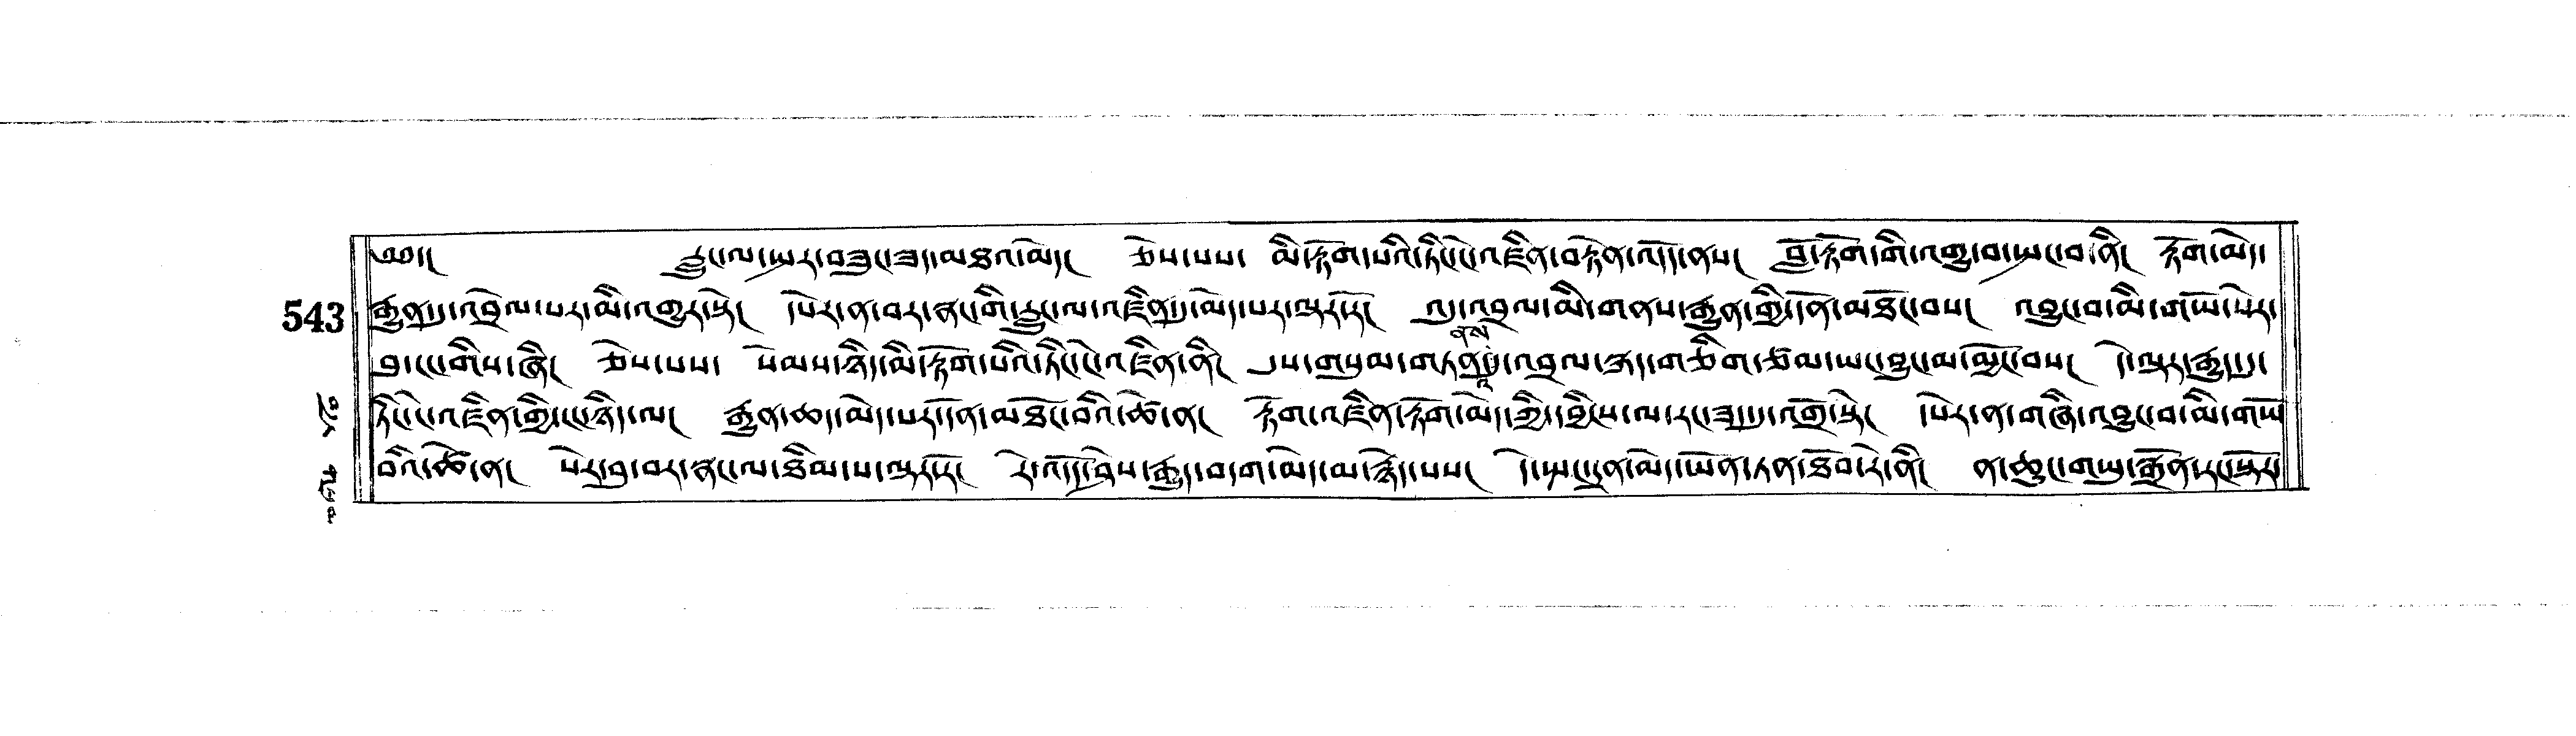རླུང་ལ་སྤར་བཟུང་ཟད་མཐའ་མེད། ཅེས་པས། མི་རྟོག་པའི་ཏིང་ངེ་འཛིན་བརྟན་འདོད་ནས། བློ་རྟོག་གི་འགྱུ་བ་སྤང་བ་ནི། རྟོག་མེད་
རྒྱུན་དུ་འབྲེལ་བར་མི་འགྱུར་ཏེ། དཔེར་ན་བར་སྣང་གི་རླུང་ལ་འཛིན་དུ་མེད་པ་ལྟར་རོ། འདུ་འབྲལ་མི་གནས་རྒྱུན་གྱི་དོན་མཐོང་བས། འབྱུང་བ་མི་གཡོ་སེར་
བུ་ངང་གིས་ཞི། ཅེས་པས། སེམས་ཉིད་མི་རྟོག་པའི་ཏིང་ངེ་འཛིན་ནི། དུས་གསུམ་གཏན་དུ་འབྲལ་ཡང་སྐད་ཅིག་ཙམ་ཡང་བྱུང་མ་མྱོང་བས། དེ་ལྟར་རྒྱུད་དུ་
ཏིང་ངེ་འཛིན་གྱི་ངང་ཉིད་ལ། རྒྱུན་ཆད་མེད་པར་དོན་མཐོང་བའི་ཚེ་ན། རྟོག་འཛིན་རྟོག་མེད་ཀྱི་དབྱིངས་ལ་རང་ཟད་དུ་འགྲོ་སྟེ། དཔེར་ན་གཞི་འབྱུང་བ་མི་གཡོ་
བའི་ཚེ་ན། སེར་བུ་བར་སྣང་ལ་ཐིམ་པ་ལྟར་རོ། རེ་འདོད་ཤེས་རྒྱུད་བདག་མེད་མ་རྙེད་པས། དེ་སྤང་དྲན་མེད་ཡོན་ཏན་ཐོབ་རེ་ནི། ན་ཆུང་གཡུ་སྒྲོན་རང་སྟོར་